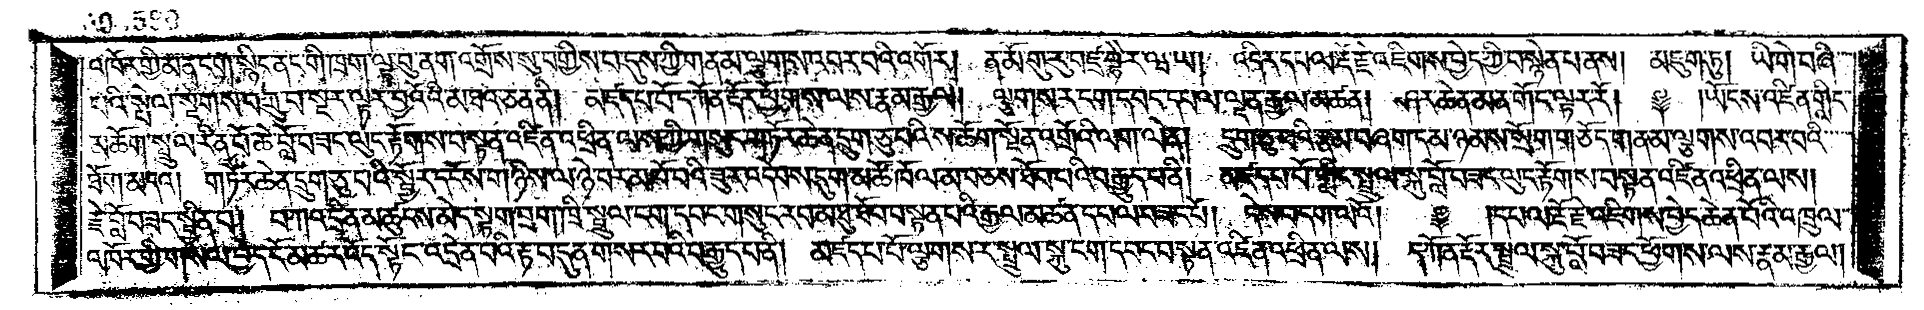འཁོར་གྱི་མན་ངག་སྙིང་ནང་གི་ཁྲག་ལྟ་བུ་ནག་འགྲོས་སུ་བགྱིས་པ་དུས་ཀྱི་གནམ་ལྕགས་འབར་བའི་འགོར། ན་མོ་གུ་རུ་བཛྲ་བྷཻར་ཝ་ཡ། འདིར་དཔལ་རྡོ་རྗེ་འཇིགས་བྱེད་ཀྱི་བསྙེན་པ་ནས། མཇུག་ཏུ། ཡི་གེ་བཞི་
པའི་སྤེལ་སྔགས་བཀྲུ་བ་སྔར་ལྟར་བྱའོའི་མཐའ་ཅན་ནི། མཛད་པ་པོ་དཀོན་རྡོར་ཕྱོགས་ལས་རྣམ་རྒྱལ། ལྕགས་ར་ངག་དབང་དཔལ་ལྡན་རྒྱལ་མཚན། ཤར་ཆེན་མན་གོང་ལྟར་རོ། ༈ །ཡོངས་འཛིན་གླིང་
མཆོག་སྤྲུལ་རིན་པོ་ཆེ་བློ་བཟང་ལུང་རྟོགས་བསྟན་འཛིན་འཕྲིན་ལས་ཀྱི་གསུང་གཏོར་ཆེན་དྲུག་ཅུ་བའི་ས་ཆོག་སྔོན་འགྲོའི་ལག་ལེན། དྲུག་ཅུ་པའི་རྣམ་བཞག་དམ་ཉམས་སྲོག་གཅོད་གནམ་ལྕགས་འབར་བའི་
ཐོག་མདའ། གཏོར་ཆེན་དྲུག་ཅུ་པའི་སྦྱོར་དངོས་གཉིས་ལ་ཉེ་བར་མཁོ་བའི་ཟུར་འདེབས་དུག་མཚོ་ཁོལ་མ་བཅས་ཐོབ་པའི་བརྒྱུད་པ་ནི། མཛད་པ་པོ་གླིང་སྦྲུལ་སྐུ་བློ་བཟང་ལུང་རྟོགས་བསྟན་འཛིན་འཕྲིན་ལས།
རྗེ་བློ་བཟང་སྦྱིན་པ། བཀའ་དྲིན་མཚུངས་མེད་སྟག་བྲག་ཁྲི་སྤྲུལ་ངག་དབང་གསུང་རབ་མཐུ་ཐོབ་བསྟན་པའི་རྒྱལ་མཚན་དཔལ་བཟང་པོ། དེས་བདག་ལེའོ། ༈ །དཔལ་རྡོ་རྗེ་འཇིགས་བྱེད་ཆེན་པོའི་འཁྲུལ་
འཁོར་གྱི་གསལ་བྱེད་ངོ་མཚར་འོད་སྟོང་འདྲེན་པའི་རྟ་བདུན་གསར་བའི་བརྒྱུད་པ་ནི། མཛད་པ་པོ་ལྕགས་ར་སྤྲུལ་སྐུ་ངག་དབང་བསྟན་འཛིན་འཕྲིན་ལས། དཀོན་རྡོར་སྤྲུལ་སྐུ་བློ་བཟང་ཕྱོགས་ལས་རྣམ་རྒྱལ།